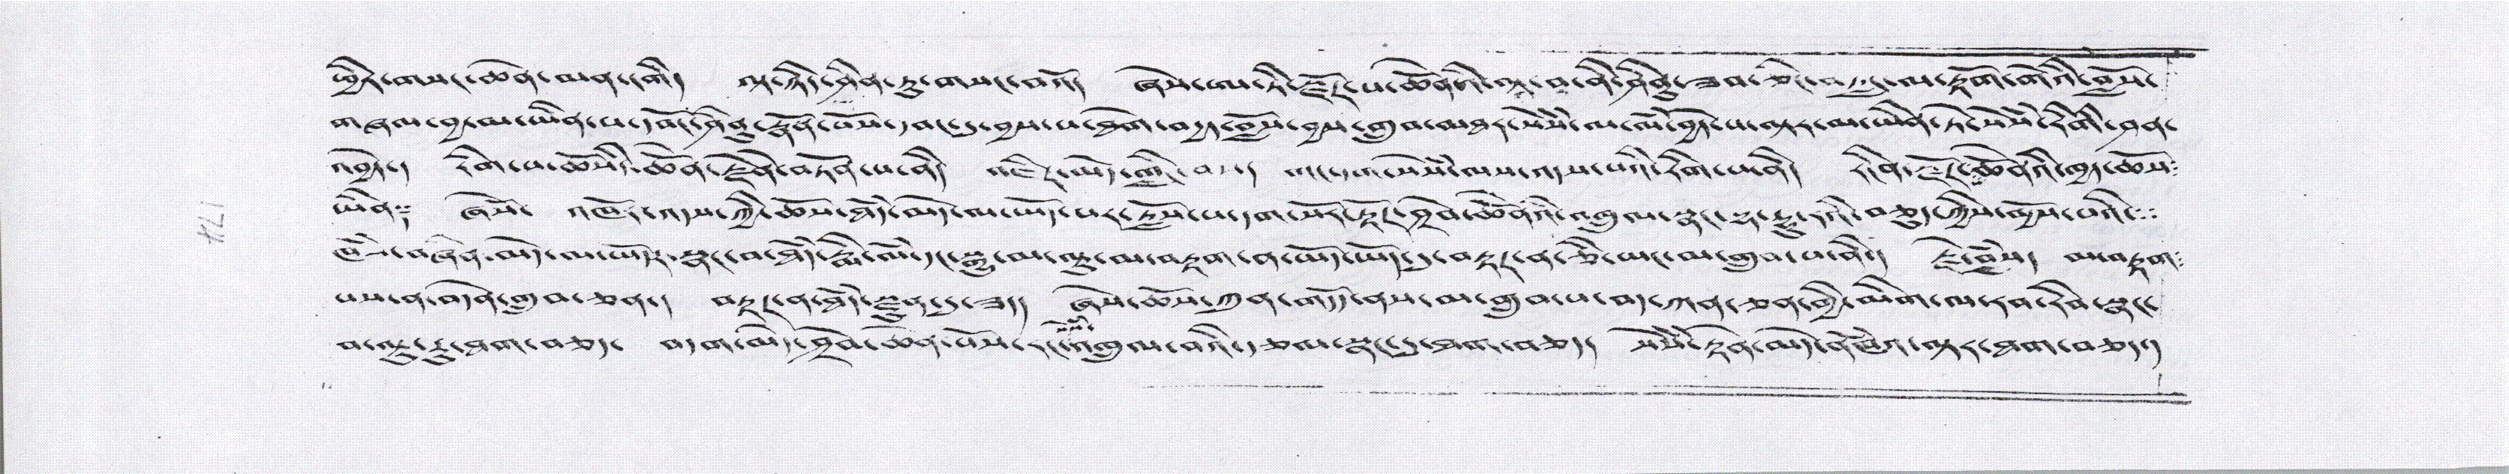ཕྱིར་གསང་ཆེན་མན་ངག་གི ལྟ་ཉིད་ཤིན་ཏུ་གསང་བའོ། ཞེས་ཨ་ཏི་རྫོགས་པ་ཆེན་པོའི་ལྟ་བ་ནི་ཤིན་ཏུ་ཟབ་ཅིང་བརླིང་ལ་རྟོག་གེའི་བློས་
གཞལ་བྱ་མ་ཡིན་པ་དབང་པོ་ཤིན་ཏུ་རྣོན་པོས་དབང་བྱས་པ་ཐེག་བརྒྱད་བློས་བྱས་གྲུབ་མཐར་སེམས་ལ་ལམ་བྱེད་པ་ལྟར་ཡིན་ཏེ། སེམས་རིག་གི་ཤན་
འབྱེད། རིག་པ་ཆོས་ཉིད་ཆེན་པོ་རྗེན་ནེ་སྟོན་པ་ནི། འཇིགས་མེད་གླིང་པས། གང་དག་སེམས་ལས་འདས་པའི་རིག་པ་ནི། རང་བཞིན་རྫོགས་པ་ཆེན་པོའི་ཁྱད་ཆོས་
ཡིན། ཞེས་སོ། འཁོར་འདས་ཀྱི་ཆོས་ཐམས་ཅད་མེད་ལ་ཡོད་པར་རློམ་པ་སོར་རྟོག་ཤེས་རབ་ཆེན་པོའི་འཁྲུལ་སྣང་དྷ་དྷུ་རའི་བཅུད་ཀྱིས་མྱོས་པའི་
ཁམས་བཞིན་མེད་ལ་ཡོད་པར་སྣང་བ་ཐམས་ཅད་རྨི་ལམ་དང་སྒྱུ་མ་ལྟ་བུ་མ་བརྟག་ན་ཡོད་ཡོད་དུ་བརྟགས་ན་ཅི་ཡང་མ་གྲུབ་པ་ནི། རྗེ་བླ་མས། མ་བརྟགས་
པས་ན་བདེན་གྲུབ་ཅན། བརྟགས་ན་ཐམས་ཅད་རྫུན་དུ་ཟད། ཞེས་ཆོས་ཀུན་གདོད་ནས་མ་གྲུབ་པ་བད་ཀན་ཅན་གྱི་མིག་ལ་རབ་རིབ་སྣང་
བ་ལྟ་བུ་རུ་ཐག་བཅད། བདག་མེད་ཤེས་རབ་ཆེན་པོས་རང་སེམས་འཁྲུལ་པའི་རྩལ་སྣང་དུ་ཐག་བཅད། སེམས་རྟེན་མེད་ནམ་མཁའ་ལྟར་ཐག་བཅད།